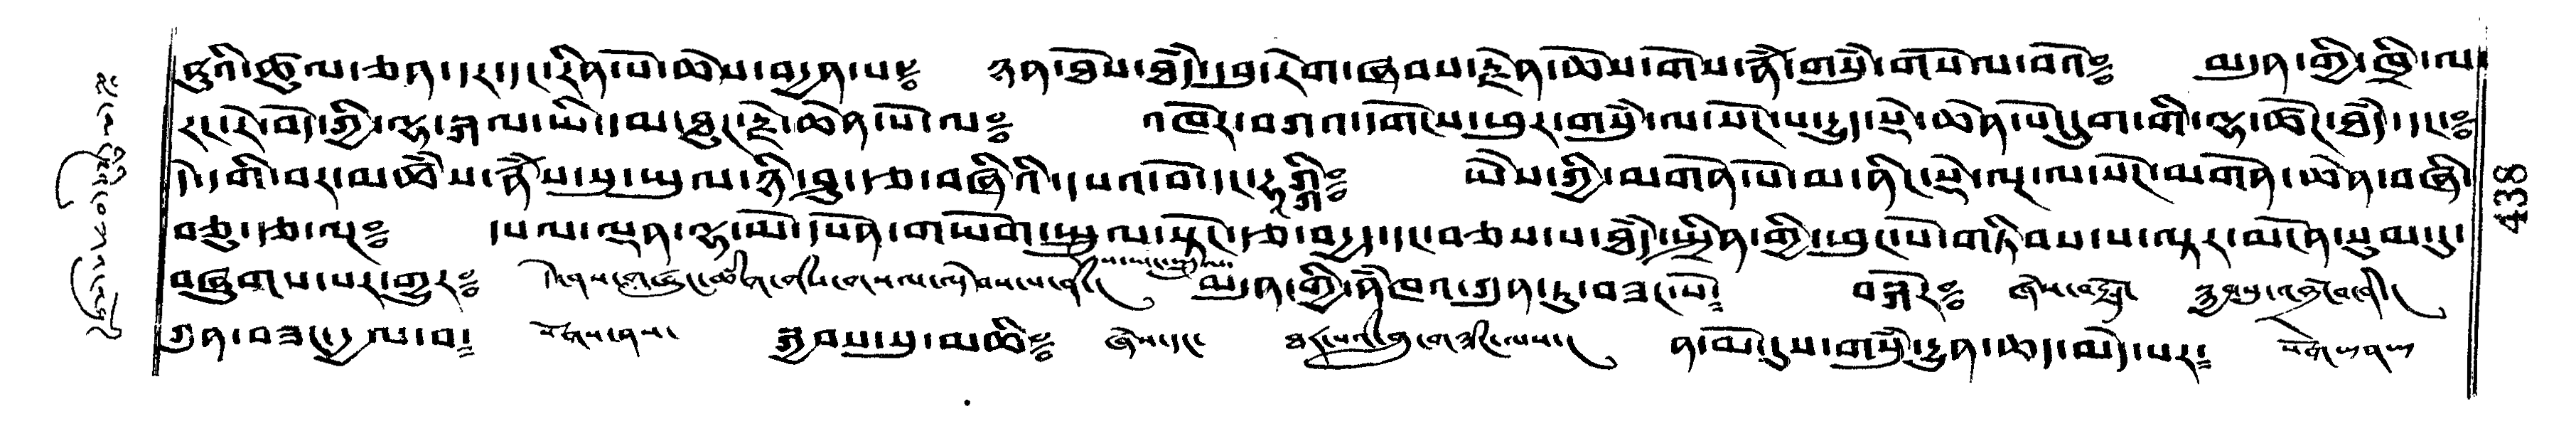ནུའི་ཚུལ་ཅན་དར་དང་རིན་པོ་ཆེས་བརྒྱན་པ༔ ཉན་ཐོས་ཐམས་ཅད་དབུ་རེག་ཞབས་རྗེན་ཆོས་གོས་རྣམ་གསུམ་གསོལ་བའོ༔ མདུན་གྱི་ཁྲི་ལ་
རང་རེ་བོད་ཀྱི་ལྷ་སྐལ་ཡི་དམ་ཐུགས་རྗེ་ཆེན་པོ་ལ༔ འཁོར་བཀའ་དགོངས་ཕུར་གསུམ་ལ་སོགས་པ་རྒྱུད་སྡེ་ཆེན་པོ་དྲུག་གི་ལྷ་ཚོགས་ཐམས་ཅད་དང༔ 
དེ་དག་གི་བར་མཚམས་རྣམས་སུ་ཡུལ་ཉི་ཤུ་རྩ་བཞིའི་དཔའ་བོ་དང་དྷཱཀྐི༔ ཡེ་ཤེས་ཀྱི་མགོན་པོ་མ་ནིང་སྡེ་ལྔ་ལ་སོགས་མགོན་ཆེན་བཞི་
བཅུ་རྩ་ལྔ༔ དཔལ་ལྡན་ལྷ་མོ་དཔོན་གཡོག་སྤྲུལ་པ་ཡང་སྤྲུལ་སྟོང་རྩ་བརྒྱད་དང་བཅས་པ་ཐམས་ཅད་སྤྲིན་གྱི་ཕུང་པོ་གཏིབས་པ་ལྟར་མངོན་སུམ་དུ་
བཞུགས་པར་གྱུར༔ དེ་ནས་གཞུང་ཚིག་གིས་གསལ་འདེབས་པ་ནི། མདུན་གྱི་ནམ་མཁའ་ཀུན་ཏུ་བཟང་པོ༴ བསྐོར༔ ཅེས་བརྗོད། སྐྱབས་སུ་འགྲོ་བ་ནི། 
ཀུན་བཟང་རྒྱལ་བ༴ སོགས་ནས། སྐྱབས་སུ་མཆི༔ ཞེས་དང་། ཐར་པའི་གྲུ་གཟིང་ལས། ན་མོ། དུས་གསུམ་རྒྱུན་ཆད་མེད་པར༴ སོགས་ནས།